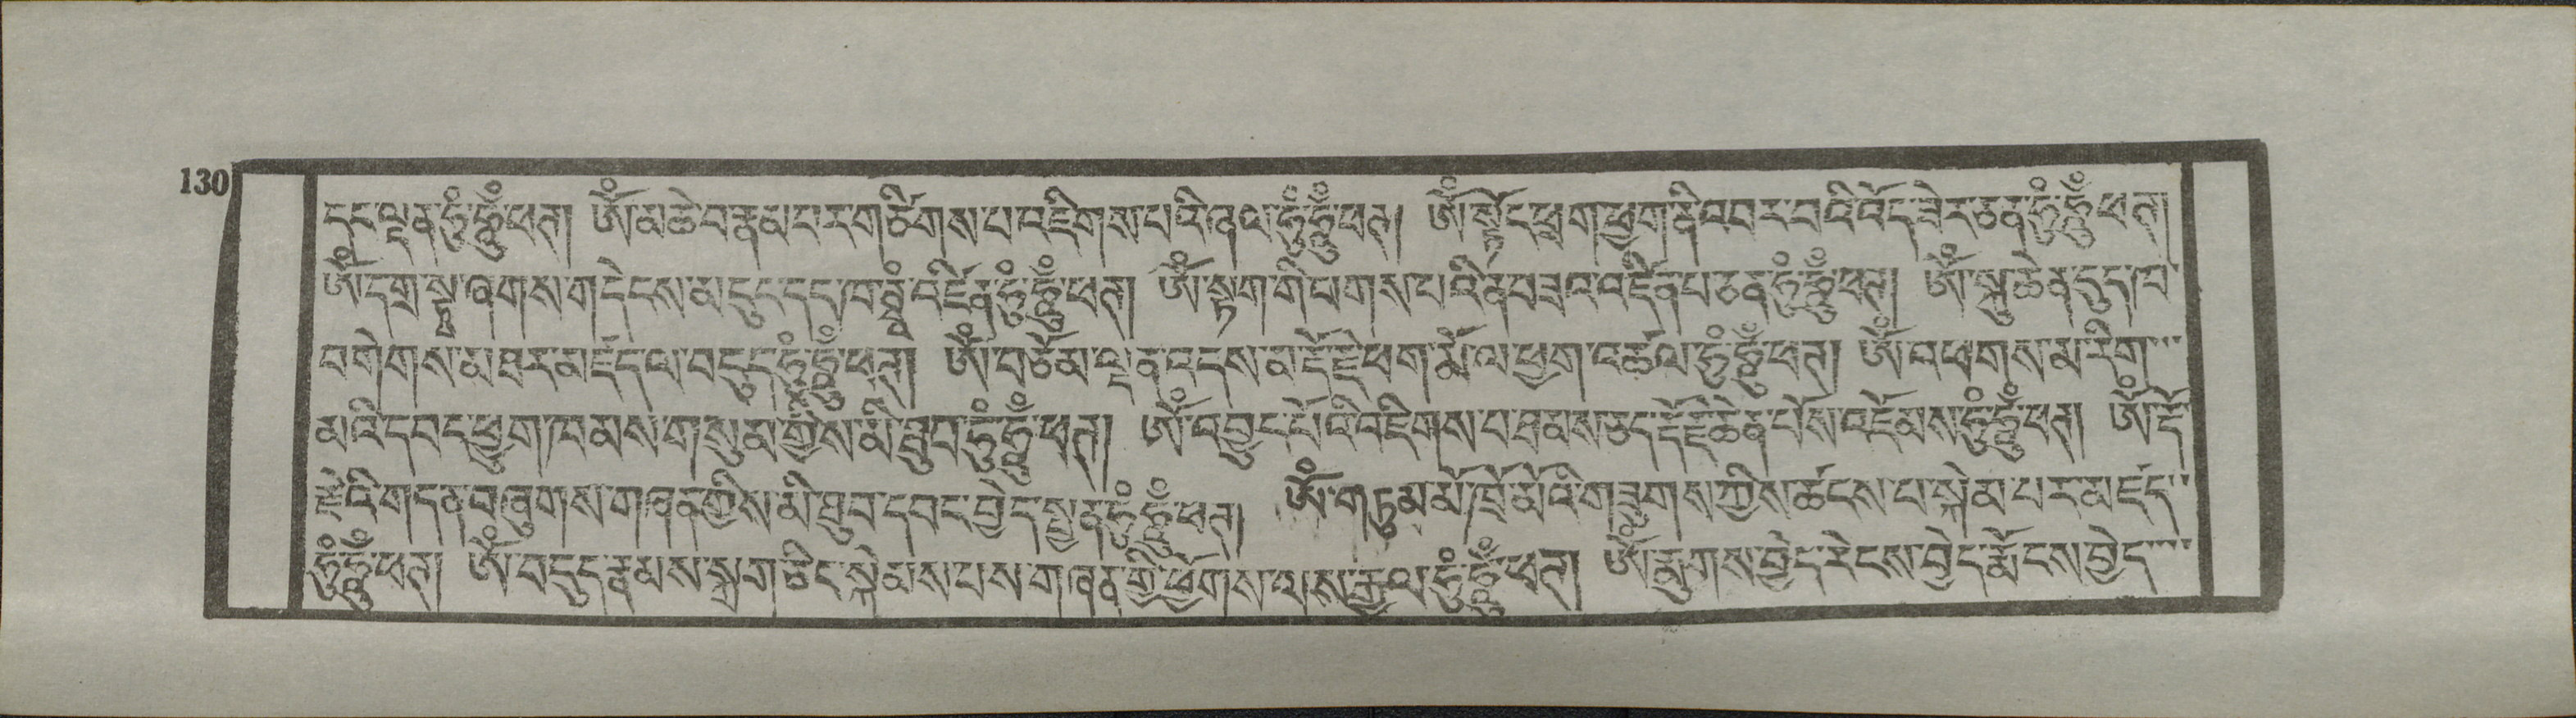དང་ལྡན་ཧཱུཾ་ཧཱུཾ་ཕཊ། ཨོཾ་མཆེ་བ་རྣམ་པར་གཙིགས་པ་འཇིགས་པའི་ཞལ་ཧཱུཾ་ཧཱུཾ་ཕཊ། ཨོཾ་སྟོང་ཕྲག་ཕྱག་ནི་འབར་བའི་འོད་ཟེར་ཅན་ཧཱུཾ་ཧཱུཾ་ཕཊ།
ཨོཾ་དགྲ་སྟྭ་ཞགས་གདེངས་མདུང་དང་ཁ་ཊྭཱཾ་འཛིན་ཧུཾ་ཧཱུཾ་ཕཊ། ཨོཾ་སྟག་གི་པགས་པའི་ན་བཟའ་འཛིན་པ་ཅན་ཧུཾ་ཧཱུཾ་ཕཊ། ཨོཾ་སྐུ་ཆེན་དུད་ཁ་
བགེགས་མཐར་མཛད་ལ་བདུད་ཧུཾ་ཧཱུཾ་ཕཊ། ཨོཾ་བཅོམ་ལྡན་འདས་མ་རྡོ་རྗེ་ཕག་མོ་ལ་ཕྱག་འཚལ་ཧུཾ་ཧཱུཾ་ཕཊ། ཨོཾ་འཕགས་མ་རིག་
མའི་དབང་ཕྱུག་ཁམས་གསུམ་གྱིས་མི་ཐུབ་ཧུཾ་ཧཱུཾ་ཕཊ། ཨོཾ་འབྱུང་པོའི་འཇིགས་པ་ཐམས་ཅད་རྡོ་རྗེ་ཆེན་པོས་འཇོམས་ཧུཾ་ཧཱུཾ་ཕཊ། ཨོཾ་རྡོ་
རྗེའི་གདན་བཞུགས་གཞན་གྱིས་མི་ཐུབ་དབང་བྱེད་སྤྱན་ཧུཾ་ཧཱུཾ་ཕཊ། ཨོཾ་གཏུམ་མོ་ཁྲོ་མོའི་གཟུགས་ཀྱིས་ཚངས་པ་སྐེམ་པར་མཛད་
ཧཱུཾ་ཧཱུཾ་ཕཊ། ཨོཾ་བདུད་རྣམས་སྐྲག་ཅིང་སྐེམས་པས་གཞན་གྱི་ཕྱོགས་ལས་རྒྱལ་ཧཱུཾ་ཧཱུཾ་ཕཊ། ཨོཾ་རྨུགས་བྱེད་རེངས་བྱེད་རྨོངས་བྱེད་